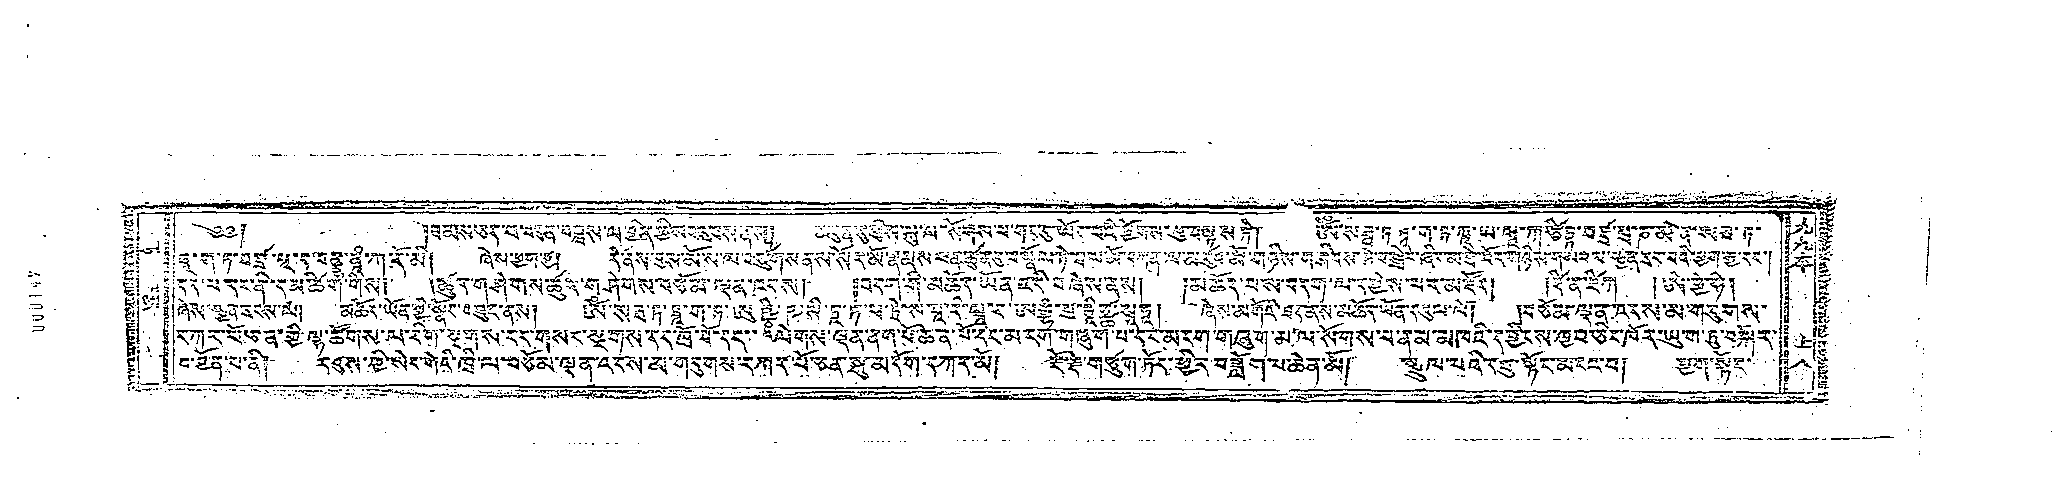༄༅། །ཐམས་ཅད་པ་བདུན་བཟླས་ལ་བྱིན་གྱིས་བརླབས་ནས། མདུན་དུ་བྲིས་སྐུ་ལ་སོགས་པ་གང་དུ་ཡོད་པའི་ཕྱོགས་སུ་བལྟས་ཏེ། ཨོཾ་སརྦྦ་ཏ་ཐཱ་ག་ཏ་ཀཱ་ཡ་ཝཱ་ཀ་ཙིཏྟ་བཛྲ་པྲ་ཎ་མེ་ན་སརྦ་ཏ།
ཐཱ་ག་ཏ་བཛྲ་པཱ་ད་བནྡྷ་ནཱ་ཀ་རོ་མི། ཞེས་ཕྱག་བྱ། དེ་ནས་པུས་མོ་ས་ལ་བཙུགས་ནས་སོར་མོ་རྣམས་ཕན་ཚུན་དུ་བསྣོལ་ཏེ་ཐལ་མོ་བཀན་ལ་མཛུབ་མོ་གཉིས་གཤིབས་ཏེ་བསྒྲེང་ཞིང་མཐེ་བོང་གཉིས་གཡབ་བ་སྤྱན་དྲང་བའི་ཕྱག་རྒྱ་དང་།
དེད་པ་དང་ནི་དམ་ཚིག་གིས། །ཚུར་གཤེགས་ཚུར་གཤེགས་བཅོམ་ལྡན་འདས། །བདག་གི་མཆོད་ཡོན་འདི་བཞེས་ནས། །མཆོད་པས་བདག་ལ་དགྱེས་པར་མཛོད། །ཛི་ན་ཛི་ཀ །ཨེ་ཧྱེ་ཧི།
ཞེས་སྤྱན་དྲངས་ལ། མཆོད་ཡོན་གྱི་སྣོད་བཟུང་ནས། ཨོཾ་སརྦ་ཏ་ཐཱ་ག་ཏ་ཨུ་ཥྞི་ཥ་སི་ཏཱ་ཏ་པ་ཏྲེ་ས་པཱ་རི་ཝཱ་ར་ཨརྒྷཾ་པྲ་ཏཱི་ཙྪ་སྭཱཧཱ། ཞེས་མགོའི་ཐད་ནས་མཆོད་ཡོན་དབུལ་ལོ། །བཅོམ་ལྡན་འདས་མ་གདུགས་
དཀར་པོ་ཅན་གྱི་ལྷ་ཚོགས་ལ་རིག་སྔགས་དང་གསང་སྔགས་དང་ཁྲོ་བོ་དང་ལེགས་ལྡན་ནག་པོ་ཆེན་པོ་དང་མདག་གཞུག་པ་དང་མངག་གཞུག་མ་ལ་སོགས་པ་ནམ་མཁའི་དབྱིངས་ཁྱབ་ཅིང་ཁོར་ཡུག་ཏུ་བསྐོར་
བ་བྱོན་བ་ནི། དབུས་ཀྱི་སེང་གེའི་ཁྲི་ལ་བཅོམ་ལྡན་འདས་མ་གདུགས་དཀར་པོ་ཅན་སྐུ་མདོག་དཀར་མོ། རྡོ་རྗེ་གཙུག་ཏོར་ཕྱིར་བཟློག་པ་ཆེན་མོ། སྤྲུལ་པའི་དབུ་སྟོང་མངའ་བ། ཕྱག་སྟོང་